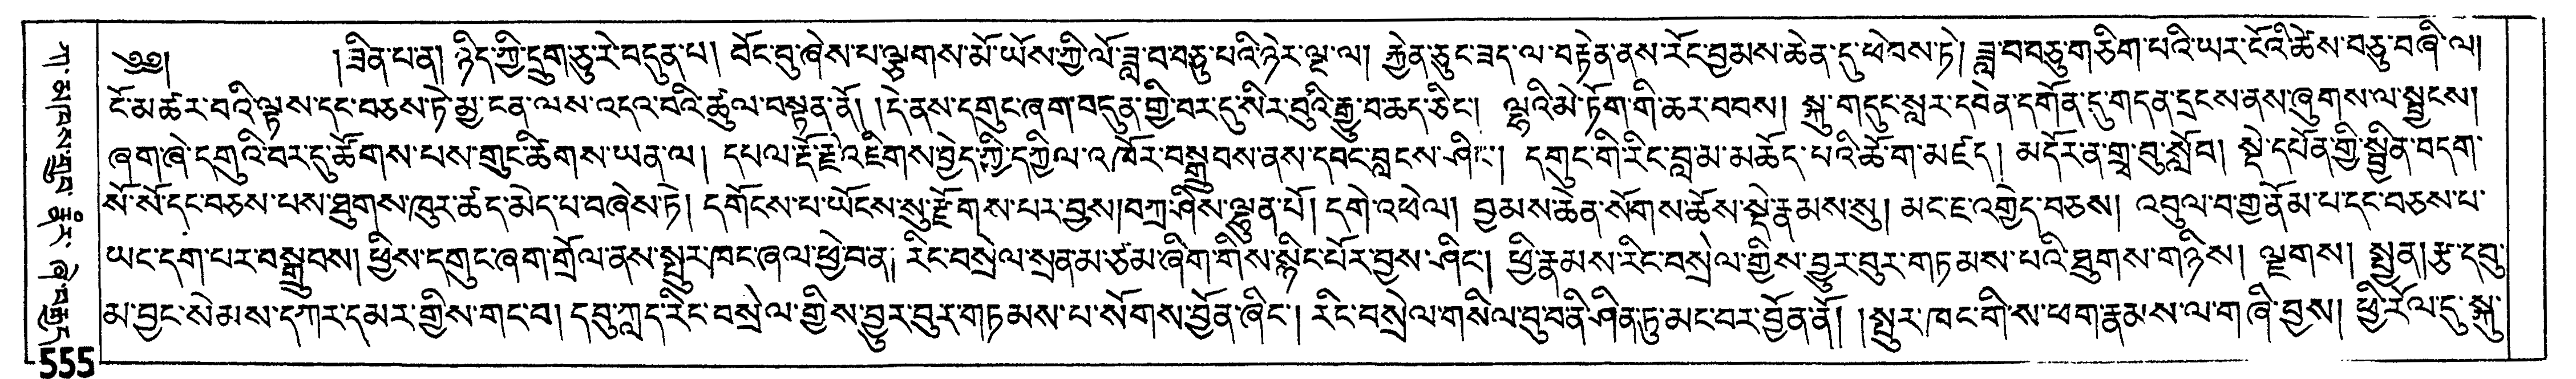༄༅། །ཟིན་པ་ན། ཉིད་ཀྱི་དྲུག་ཅུ་རེ་བདུན་པ། བོང་བུ་ཞེས་པ་ལྕགས་མོ་ཡོས་ཀྱི་ལོ་ཟླ་བ་བཅུ་པའི་ཉེར་ལྔ་ལ། རྐྱེན་ཅུང་ཟད་ལ་བརྟེན་ནས་རོང་བྱམས་ཆེན་དུ་ཕེབས་ཏེ། ཟླ་བ་བཅུ་གཅིག་པའི་ཡར་ངོའི་ཚེས་བཅུ་བཞི་ལ།
ངོ་མཚར་བའི་ལྟས་དང་བཅས་ཏེ་མྱ་ངན་ལས་འདའ་བའི་ཚུལ་བསྟན་ནོ། །དེ་ནས་དགུང་ཞག་བདུན་གྱི་བར་དུ་སིར་བུའི་རྒྱུ་བ་ཆད་ཅིང་། ལྷའི་མེ་ཏོག་གི་ཆར་བབས། སྐུ་གདུང་སླར་དབེན་དགོན་དུ་གདན་དྲངས་ནས་ཞུགས་ལ་སྦྱངས།
ཞག་ཞེ་དགུའི་བར་དུ་ཚོགས་པས་གུང་ཚིགས་ཡན་ལ། དཔལ་རྡོ་རྗེ་འཇིགས་བྱེད་ཀྱི་དཀྱིལ་འཁོར་བསྒྲུབས་ནས་དབང་བླངས་ཤིང་། དགུང་གི་རིང་བླ་མ་མཆོད་པའི་ཆོ་ག་མཛད། མདོར་ན་གྲྭ་བུ་སློབ། སྡེ་དཔོན་གྱི་སྦྱིན་བདག་
སོ་སོ་དང་བཅས་པས་ཐུགས་ཁུར་ཚད་མེད་པ་བཞེས་ཏེ། དགོངས་པ་ཡོངས་སུ་རྫོགས་པར་བྱས། བཀྲ་ཤིས་ལྷུན་པོ། དགེ་འཕེལ། བྱམས་ཆེན་སོགས་ཆོས་སྡེ་རྣམས་སུ། མང་ཇ་འགྱེད་བཅས། འབུལ་བ་གྱ་ནོམ་པ་དང་བཅས་པ་
ཡང་དག་པར་བསྒྲུབས། ཕྱིས་དགུང་ཞག་གྲོལ་ནས་སྤུར་ཁང་ཞལ་ཕྱེ་བ་ན། རིང་བསྲེལ་སྲན་མ་ཙམ་ཞིག་གིས་སྙིང་པོར་བྱས་ཤིང་། ཕྱི་རྣམས་རིང་བསྲེལ་གྱིས་བྱུར་བུར་གཏམས་པའི་ཐུགས་གཉིས། ལྗགས། སྤྱན། རྩ་དབུ་
མ་བྱང་སེམས་དཀར་དམར་གྱིས་གང་བ། དབུ་ཀླད་རིང་བསྲེལ་གྱིས་བྱུར་བུར་གཏམས་པ་སོགས་བྱོན་ཞིང་།རིང་བསྲེལ་གསིལ་བུ་བ་ནི་ཤིན་ཏུ་མང་བར་བྱོན་ནོ། །སྤུར་ཁང་གི་ས་ཕག་རྣམས་ལ་གཞི་བྱས། ཕྱི་རོལ་དུ་སྐུ་